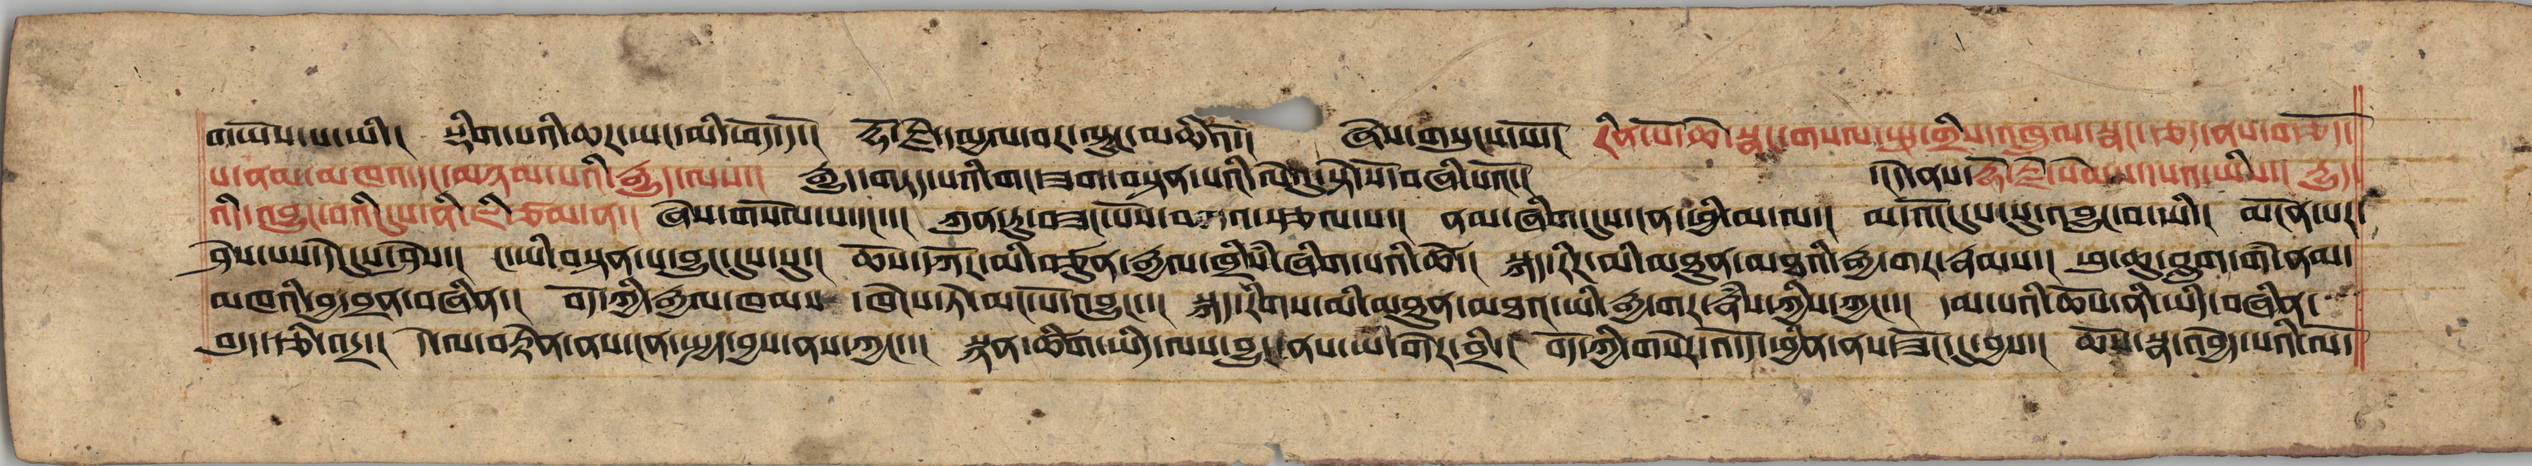གཡོས་པ་ཡི་། སྡིག་པའི་ཆར་ཡང་མི་ཕོད་དོ་། རྡོ་རྗེ་དམྱལ་བར་ལྟུང་མཆིའོ་། ཞེས་གསུངས་སོ་། རིན་པོ་ཆེ་སྣང་གསལ་སྤུ་གྲིས་འཁྲུལ་སྣང་རྩད་ནས་གཅོད་
པ་ནམ་མཁའ་དང་མཉམ་པའི་རྒྱུད་ལས་། རྒྱུད་གཏད་པའི་གང་ཟག་བསྟན་པའི་ལེའུ་སྟེ་སོ་བཞི་པའོ་། ་།དེ་ནས་རྡོ་རྗེ་སེམས་དཔའ་ཡིས་། དྱུད་
འདི་འབྱུང་བའི་དུས་ནི་ཇི་ཙམ་ན་། ཞེས་གསོལ་པ་དང་་། ཀུན་ཏུ་བཟང་པོས་བཀའ་སྩལ་པ་། ནམ་ཞིག་དུས་ངན་ཕྱི་མ་ལ་། མ་འོང་དུས་སུ་འབྱུང་བ་ཡི་། མངོན་པར་
ཤེས་པས་དེ་དུས་ཤེས་། ང་ཡི་བསྟན་པ་འབྱུང་དུས་སུ་། ཆོས་དཀོར་མི་བཙུན་རྒྱལ་ཁྲིཾས་ཞིག་པའི་ཚེ་། སྐད་རིཌ་མི་མཐུན་མཐའི་རྒྱ་གར་རྣམས་། ཕུ་ཆུ་བླུག་གི་་ནམ་
མཁའི་བྱ་བྲན་བཞིན་། བོད་ཀྱི་རྒྱལ་ཁམས་ཁེངས་ཏེ་མང་པོ་འབྱུང་་། སྐད་རིགས་མི་མཐུན་མཐའ་ཡི་རྒྱ་གར་རྣཾས་ཀྱིས་ཀྱང་་། དམ་པའི་ཆོས་ནི་ཡིད་བཞིན་
བདུད་རྩི་འདྲ་། དེ་ལ་བརྟེན་ནས་ངན་སྤྱད་བྱས་ནས་ཀྱང་་། སྙན་ཚིག་ཡིད་ལས་བྱུང་ནས་ཡི་གེར་བྲི་། བོད་ཀྱི་གསེར་འདོད་ཕྱིན་ནས་ཟོང་དུ་བྱས་། ཆོས་སྣ་འབྱེད་པའི་ལོ་